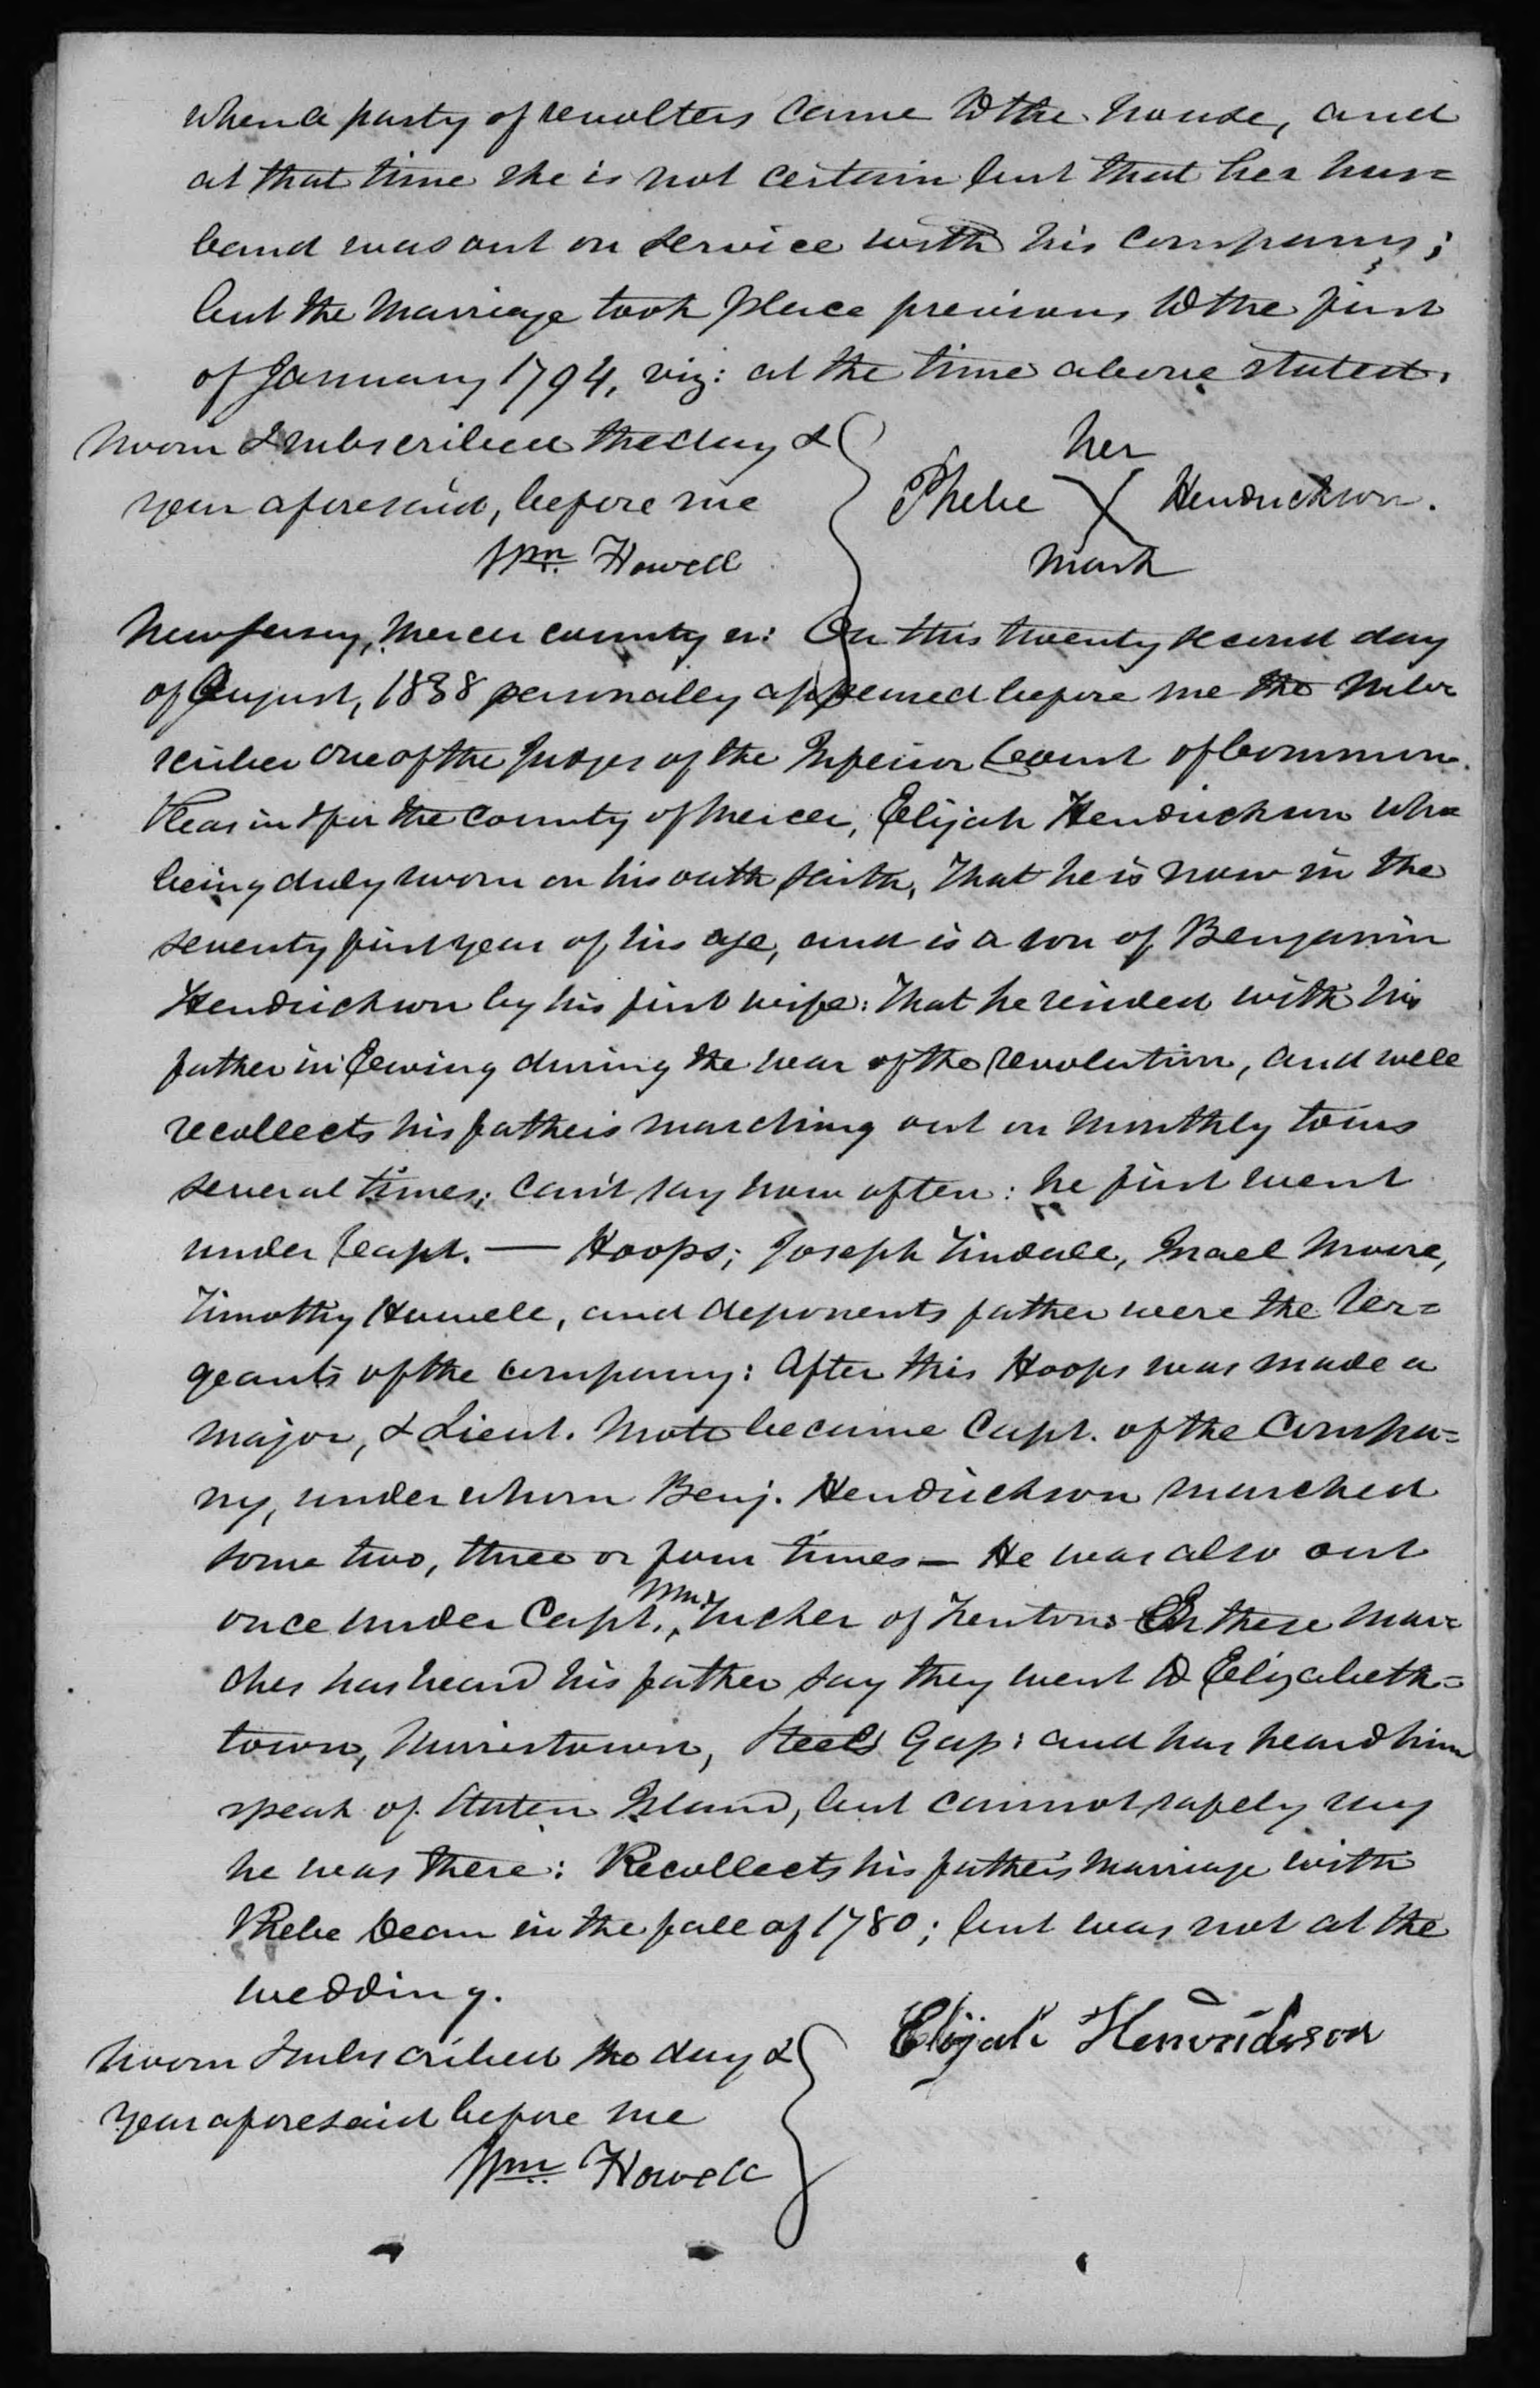when a party of revolters came to the house, and at that time she is not certain but that her husband was out on service with is company; but the marriage took place previous to the first of January 1794, viz: at the time above stated.
her
Phebe  X  Hendrickson.
mark

Sworn & subscribed the day &}
year aforesaid, before me}
Wm. Howell}

New Jersey, Mercer County Ss: on this twenty second day of August, 1838 personally appeared before me the subscriber one of the Judges of the Inferior Court of Common Pleas in & for the county of Mercer, Elijah Hendrickson when being duly sworn on his oath saith, That he is now in the seventy first year of his age, and is a son of Benjamin Hendrickson by his first wife. That he resided with his father in Ewing during the war of the Revolution, and well recollects his father's marching out on monthly tours several times; can't say how often: he first went under  Capt. ____Hoops; Joseph Tindale, Israel Moore, Timothy Howell, and deponents father were the Sergeants of the company: After this Hoops was made a Major, & Lieut. Mott became Capt. of the company, under whom Benj. Hendrickson marched some two, three or four times_ He was also out once under Capt. Wm. Tucker of Trenton. On these marches has heard his father say they went to Elizabeth town, Morristown, Steels Gap: and has heard him speak of Staten Island, but cannot safely say he was there: Recollects his father's marriage with Phebe Dean in the fall of 1780; but was not at the wedding.
Elijah Hendrickson
Sworn & subscribed the day &}
year aforesaid before me}
Wm. Howell}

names: Benjamin Hendrickson, Elijah Hendrickson, Benj Hendrickson, Joseph Tindall, Israel Moore, Phebe Hendrickson, Timothy Howell, Wm Howell, Wm Tucker, Phebe Dean, Wm Howell, Hoops, Elijah Hendrickson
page: 3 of 20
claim: rejected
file: R. 4884, Benjamin Hendrickson, New Jersey